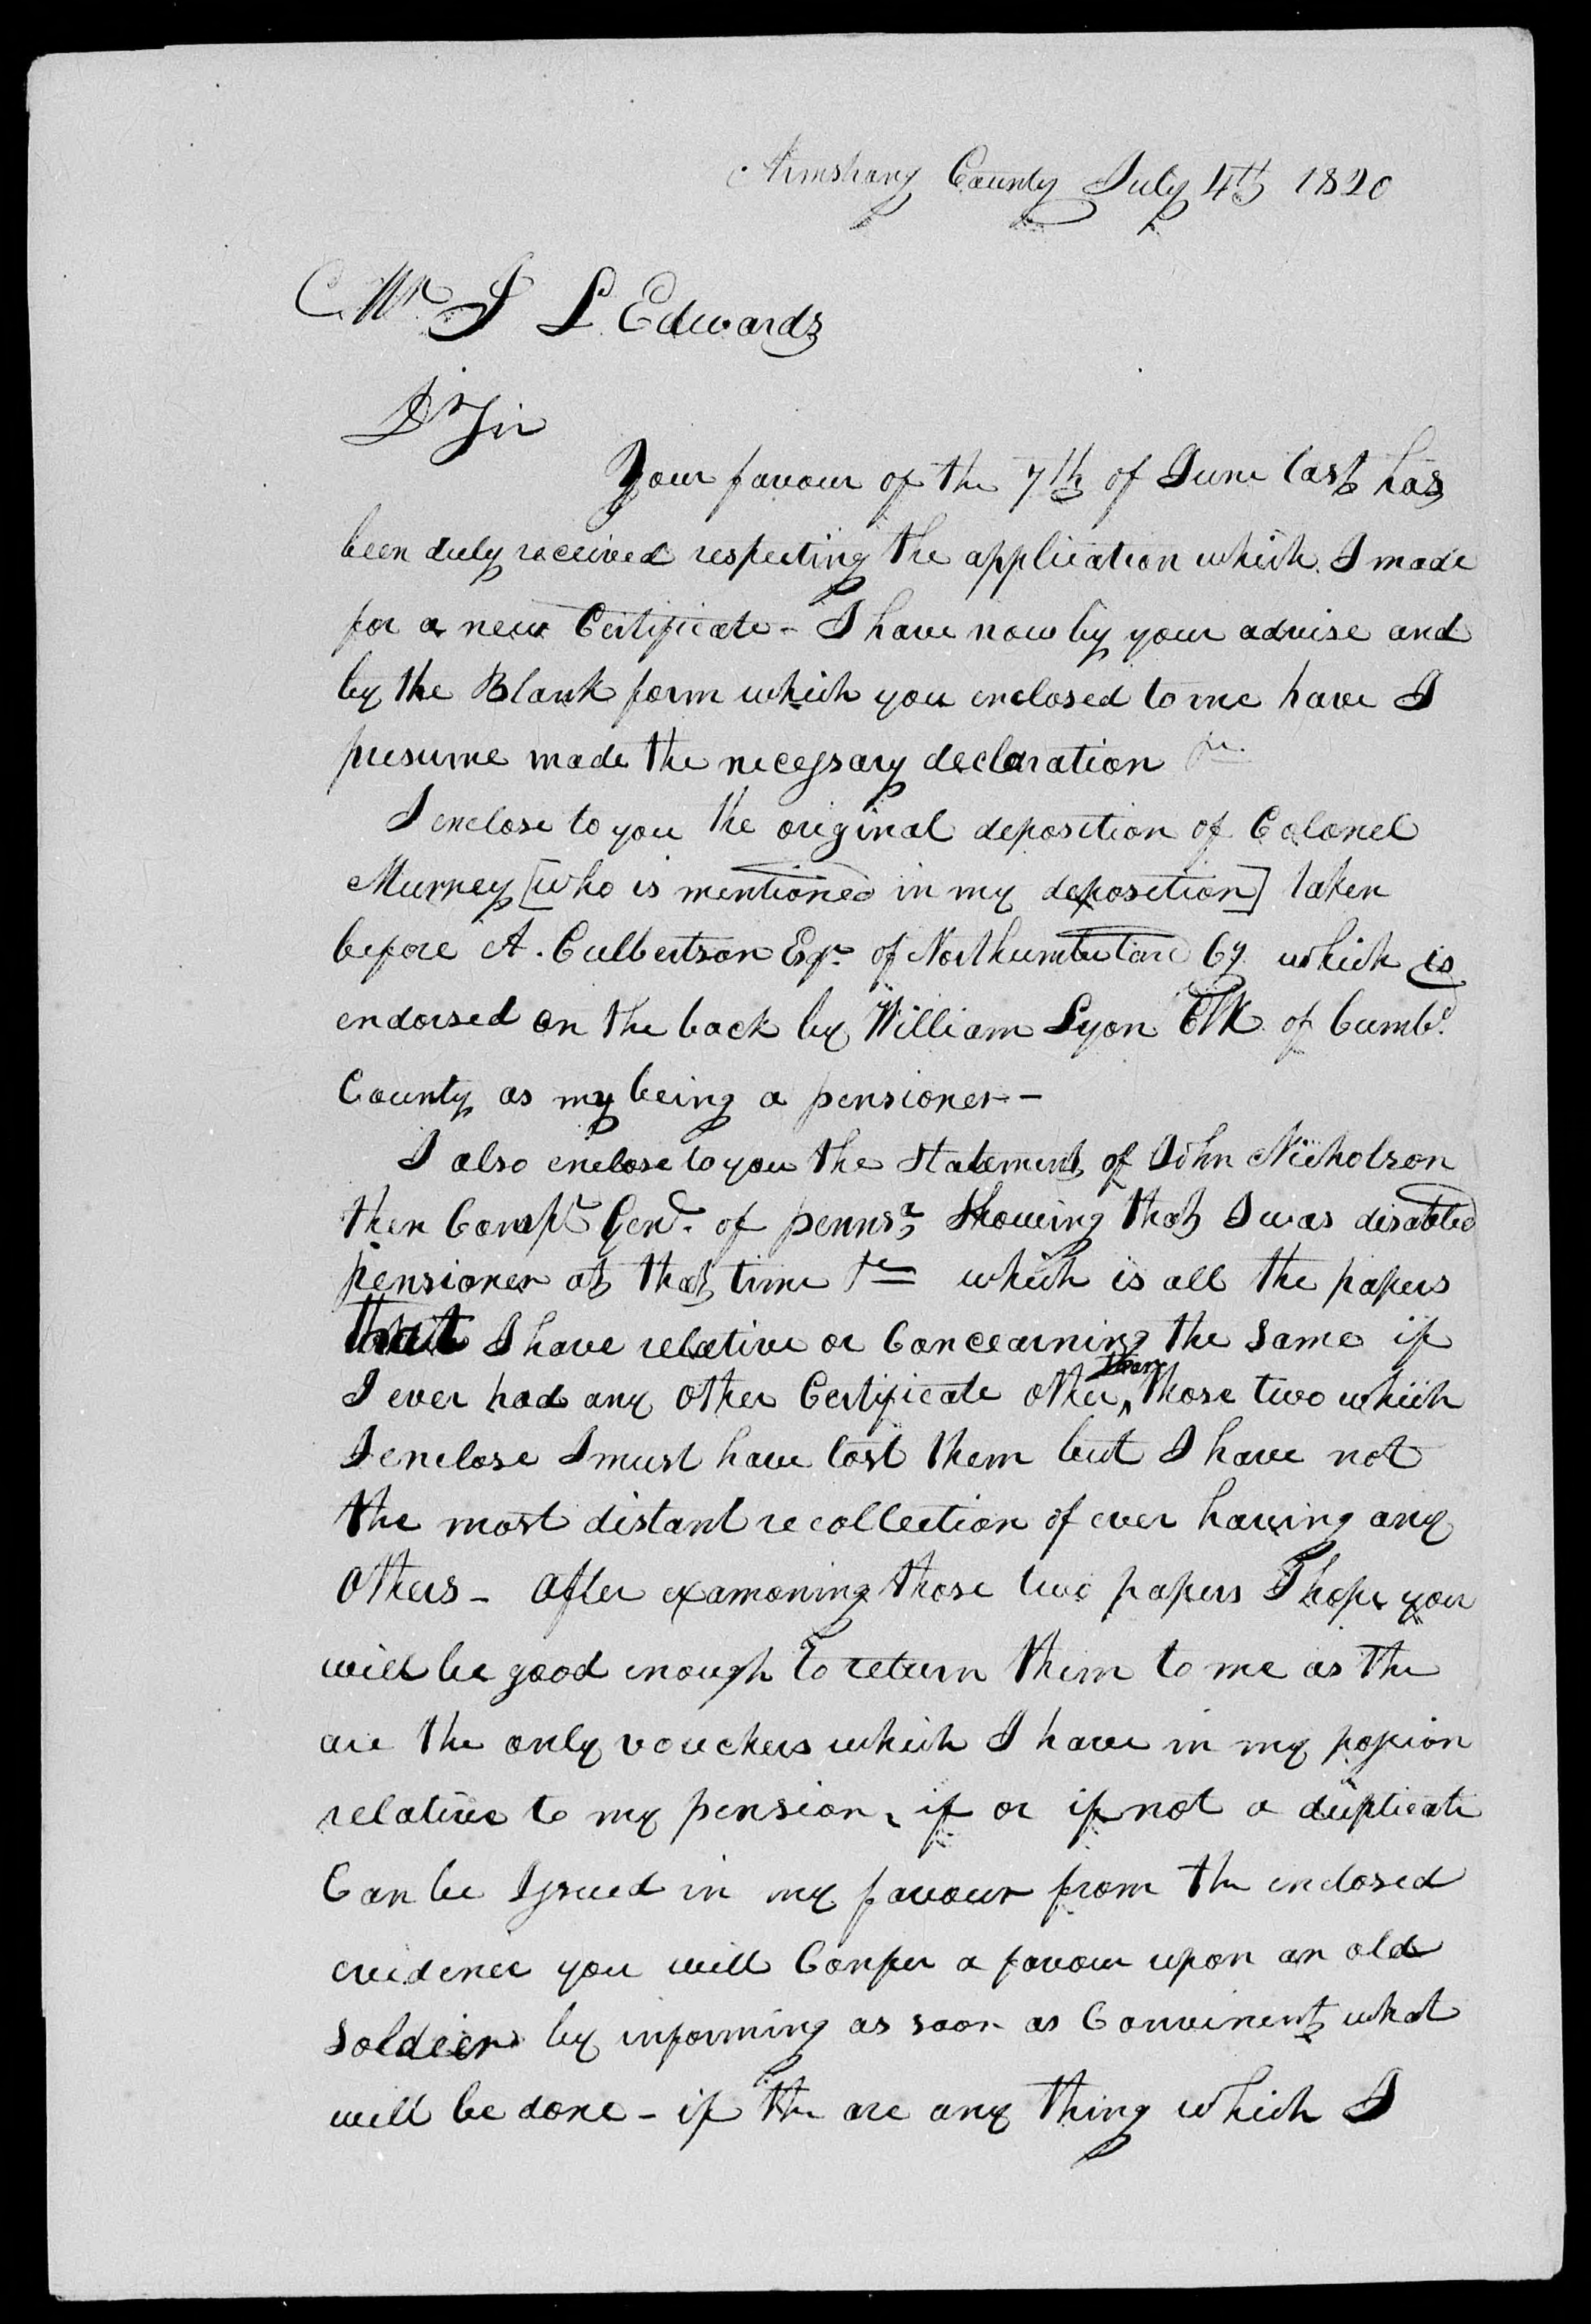Armstrong County July 4th 1820

J. L. Edwards

D' Sir
     Your favour of the 7th of June last has been duly received respecting the application which I made for a new Certificate - I have now by your advise and by the blank form which you enclosed to me have I presume made the necessary declaration.
    I enclose to you the original deposition of Colonel Murrey, (who is mentioned in my deposition) taken before A. Culbertson Esq. of Northumberton by which is enclosed on the back by William Lyon Esq of Cumb. County as my being a pensioner-
    I also enclose to you the statement of John Nicholson the Compt Gen. of Penna showing that I was disabled pensioner of that time for which is all the papers that I have relative or concerning the same if I ever had any other Certificate other than those two which I enclose I must have lost them but I have not the most distant recollection of ever having any others. After examining those two papers I hope you will be good enough to return them to me as they are the only vouchers which I have in my possession relative to my pension, if or if not a duplicate can be issued in my favour from the enclosed evidence you will confer a favour upon an old soldier by informing as soon as convenient which will be done - if are any thing which I .....(statement continues of second page)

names: John Nicholson; [BLANK] Murrey; A Culbertson; J L Edwards; William Lyon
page: 9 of 14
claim: survivor's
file: S. 9749, for Timothy Lennonton, Pennsylvania